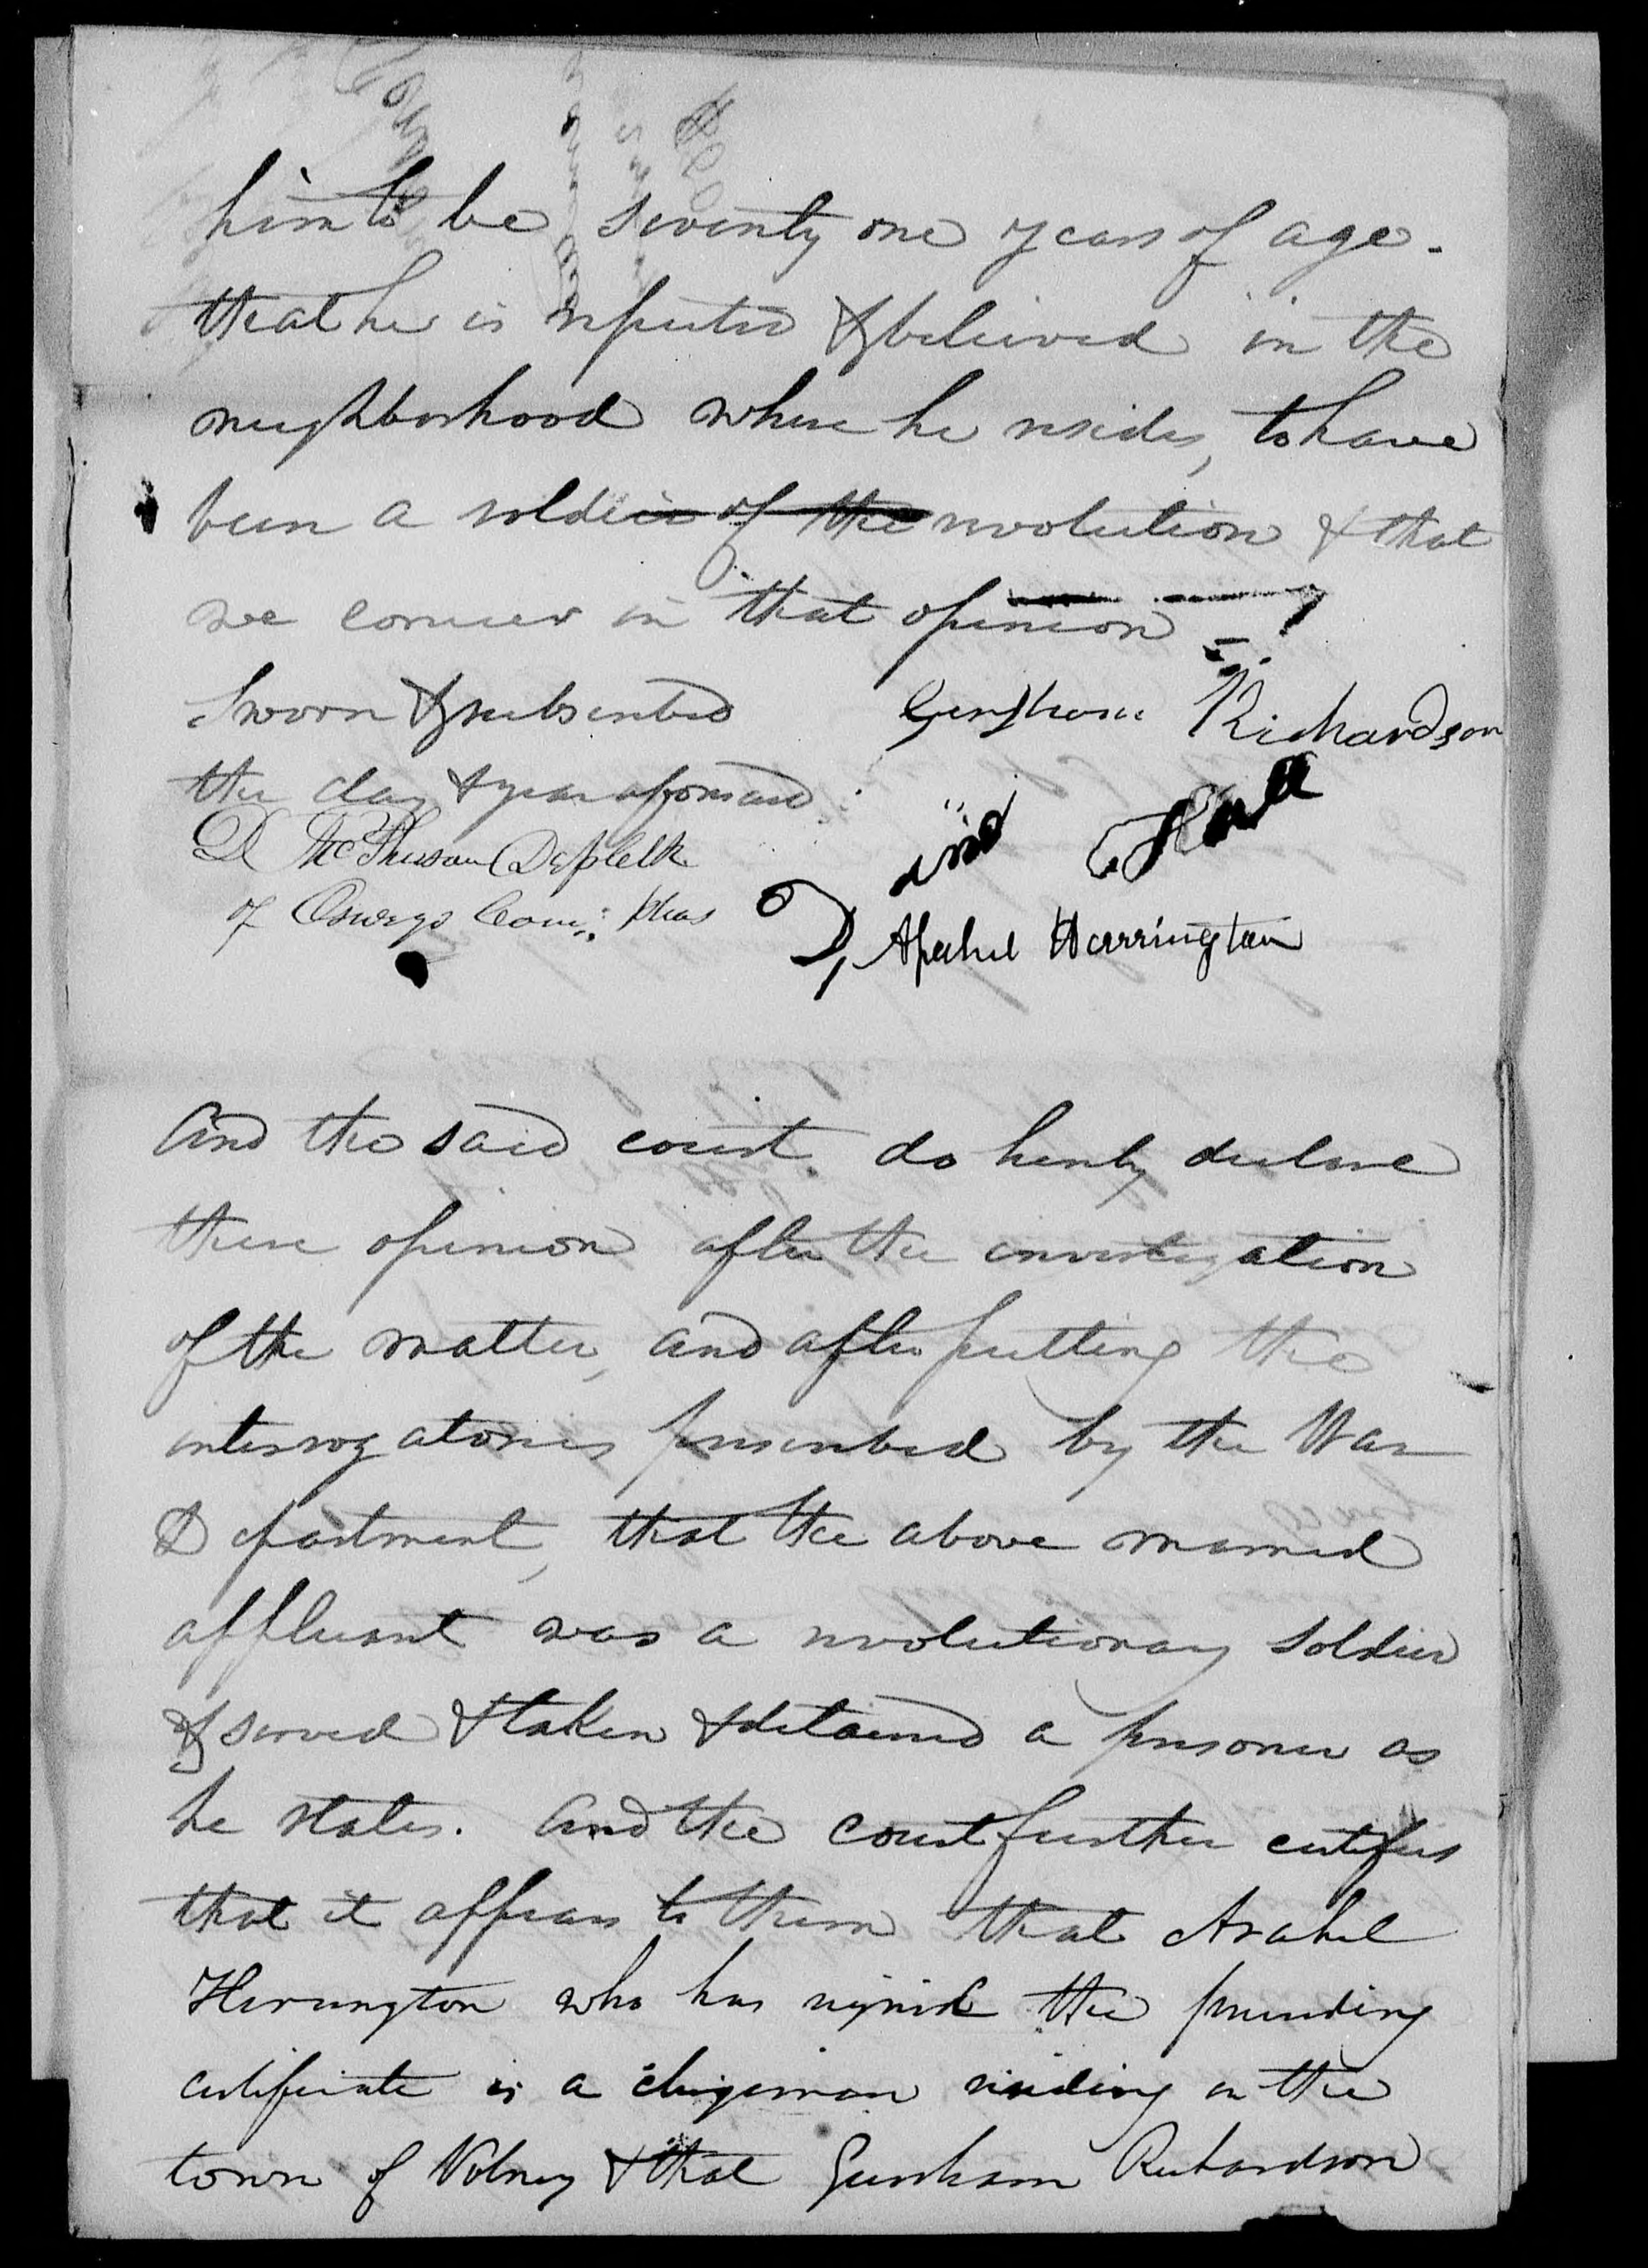him to be seventy one years of age. that he is reputed & believed in the neighborhood where he resides, to have been a soldier of the revolution & that we concur in that opinion -
[signed] Gersham Richardson  Daniel Hall  Apahel Harrington

Sworn & subscribed the day & year aforesaid
[signed] D McPherson Dep Clk of Oswego Com Pleas


And the said court do hereby declare there opinion after the investigation of the matter and after putting the interrogatories prescribed by the War Department that the above named applicant was a revolutionary soldier & served & taken & detained a prisoner as he states. And the court further certifies that it appears to them that Asahel Herrington who has signed the preceding
certificate is a clergiman residing in the
town of Volney & that Gersham Richardson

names: Apahel Harrington; Gershom Richardson; Danl Hall; Gursham Richardson; D Mc Pherson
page: 13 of 26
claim: survivor's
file: S. 13,625, for Isaiah Keeler, New York